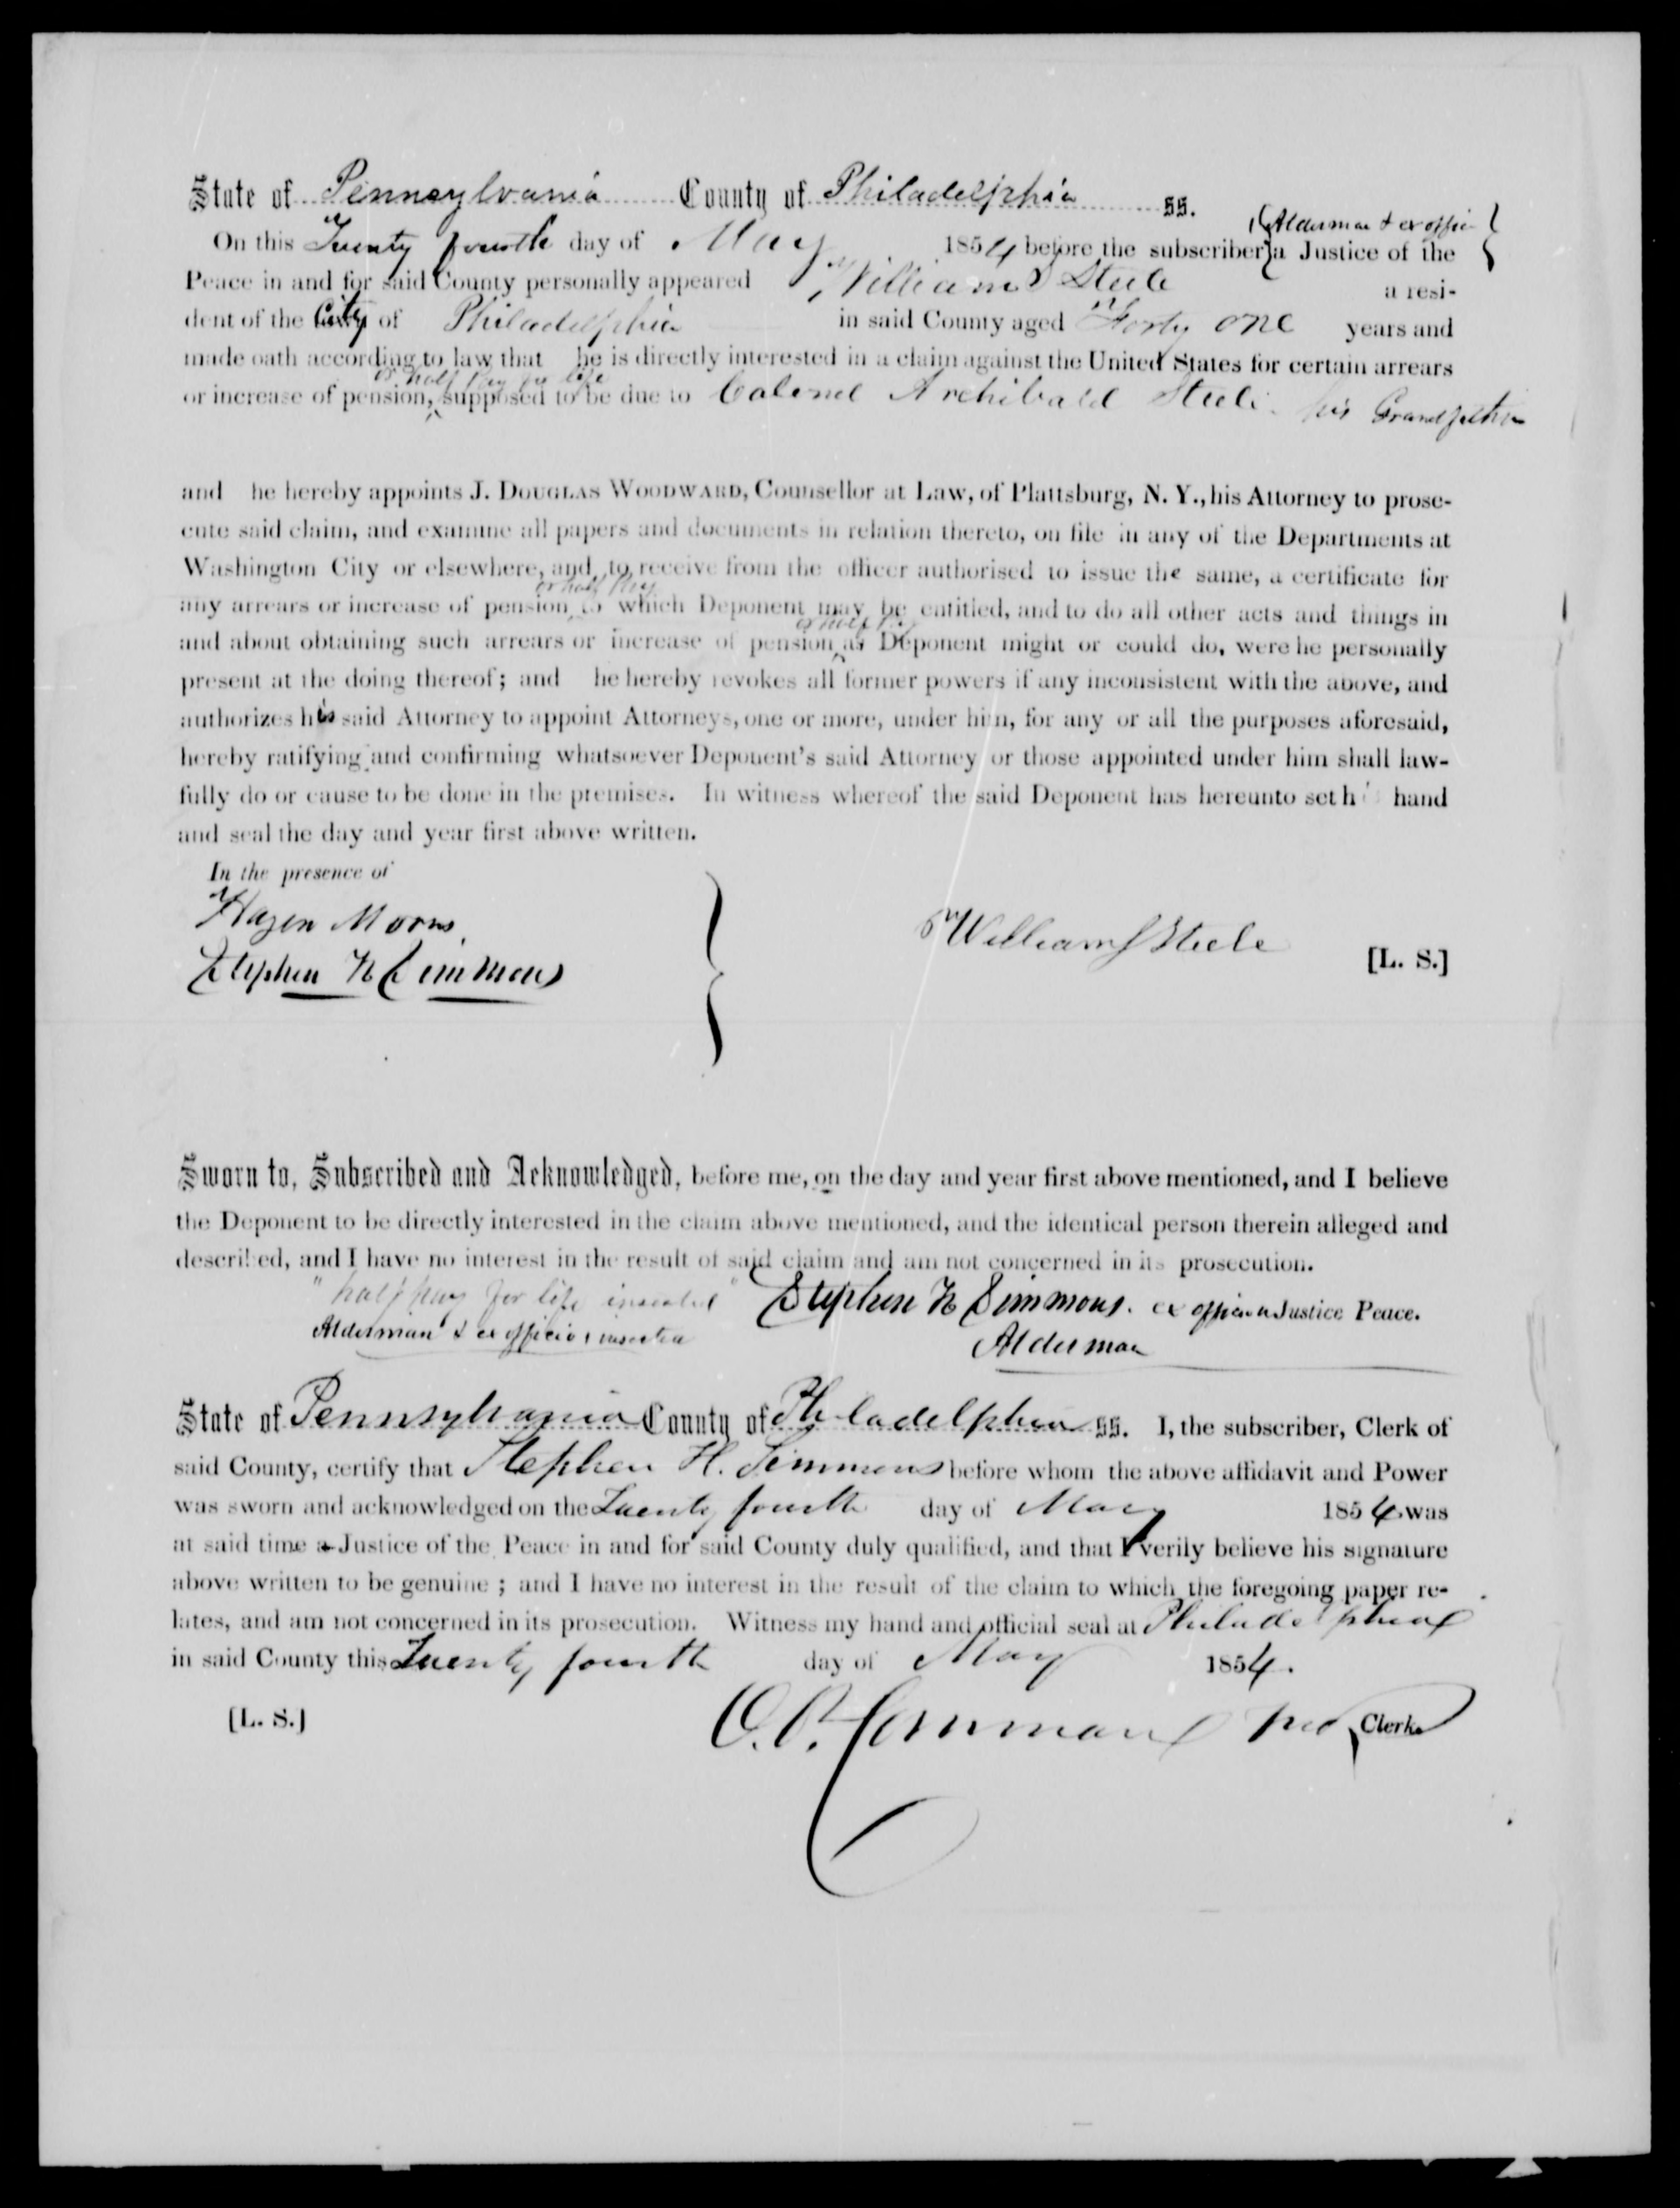State of Pennsylvania County of Philadelphia.

On this Twenty fourth day of May 1854 before the subscriber a Justice of the
Peace in and for said County personally appeared William J Steele, a resident of the City of Philadelphia in said County aged forty one years and made oath according to law that he is directly interested in a claim against the United States for certain arrears or increase of pension or half pay for life supposed to be due to Colonel Archibald Steele, his Grandfather

and he hereby appoints J. DOUGLAS WOODWARD, Counsellor at Law, of Plattsburg, N. Y., his Attorney to prosecute said claim, and examine all papers and documents in relation thereto, on file in any of the Departments at Washington City or elsewhere, and to receive from the officer authorised to issue the same, a certificate for any arrears or increase of pension or half pay to which Deponent may be entitled, and to do all other acts and things in and about obtaining such arrears or increase of pension or half payasv Deponent might or could do, were he personally present at the doing thereof; and he hereby revokes all former powers if any inconsistent with the above, and authorizes his said Attorney to appoint Attorneys, one or more, under him, for any or all the purposes aforesaid, hereby ratifying and confirming whatsoever Deponent's said Attorney or those appointed under him shall lawfully do or cause to be done in the premises. In witness whereof the said Deponent has hereunto set his hand and seal the day and year first above written.

In the presence of
Hazen Moore
Stephen Simmons

William J Keele
[ L. S. ]

Sworn to, Subscribed and Acknowledged, before me, on the day and year first above mentioned, and I believe the Deponent to be directly interested in the claim above mentioned, and the identical person therein alleged and described, and I have no interest in the result of said claim and am not concerned in its prosecution.

half pay for life inserted 

Alderman & officer, insert
Stephen N Simmons, ex-officio Justice of Peace
Alderman

State of Pennsylvania County of Philadelphia 55

I, the subscriber, Clerk of said County, certify that Stephen H. Simmons before whom the above affidavit and Power was sworn and acknowledged on the Twenty fourth day of March 1854 was
at said time a Justice of the Peace in and for said County duly qualified, and that I verily believe his signature above written to be genuine; and I have no interest in the result of the claim to which the foregoing paper relates, and am not concerned in its prosecution. Witness my hand and official seal at Philadelphia in said County this Twenty fourth day of May 1854.

O.P. Command, Clerk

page: 8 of 28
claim: survivor's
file: S. 7601, for Archibald Steel, Pennsylvania